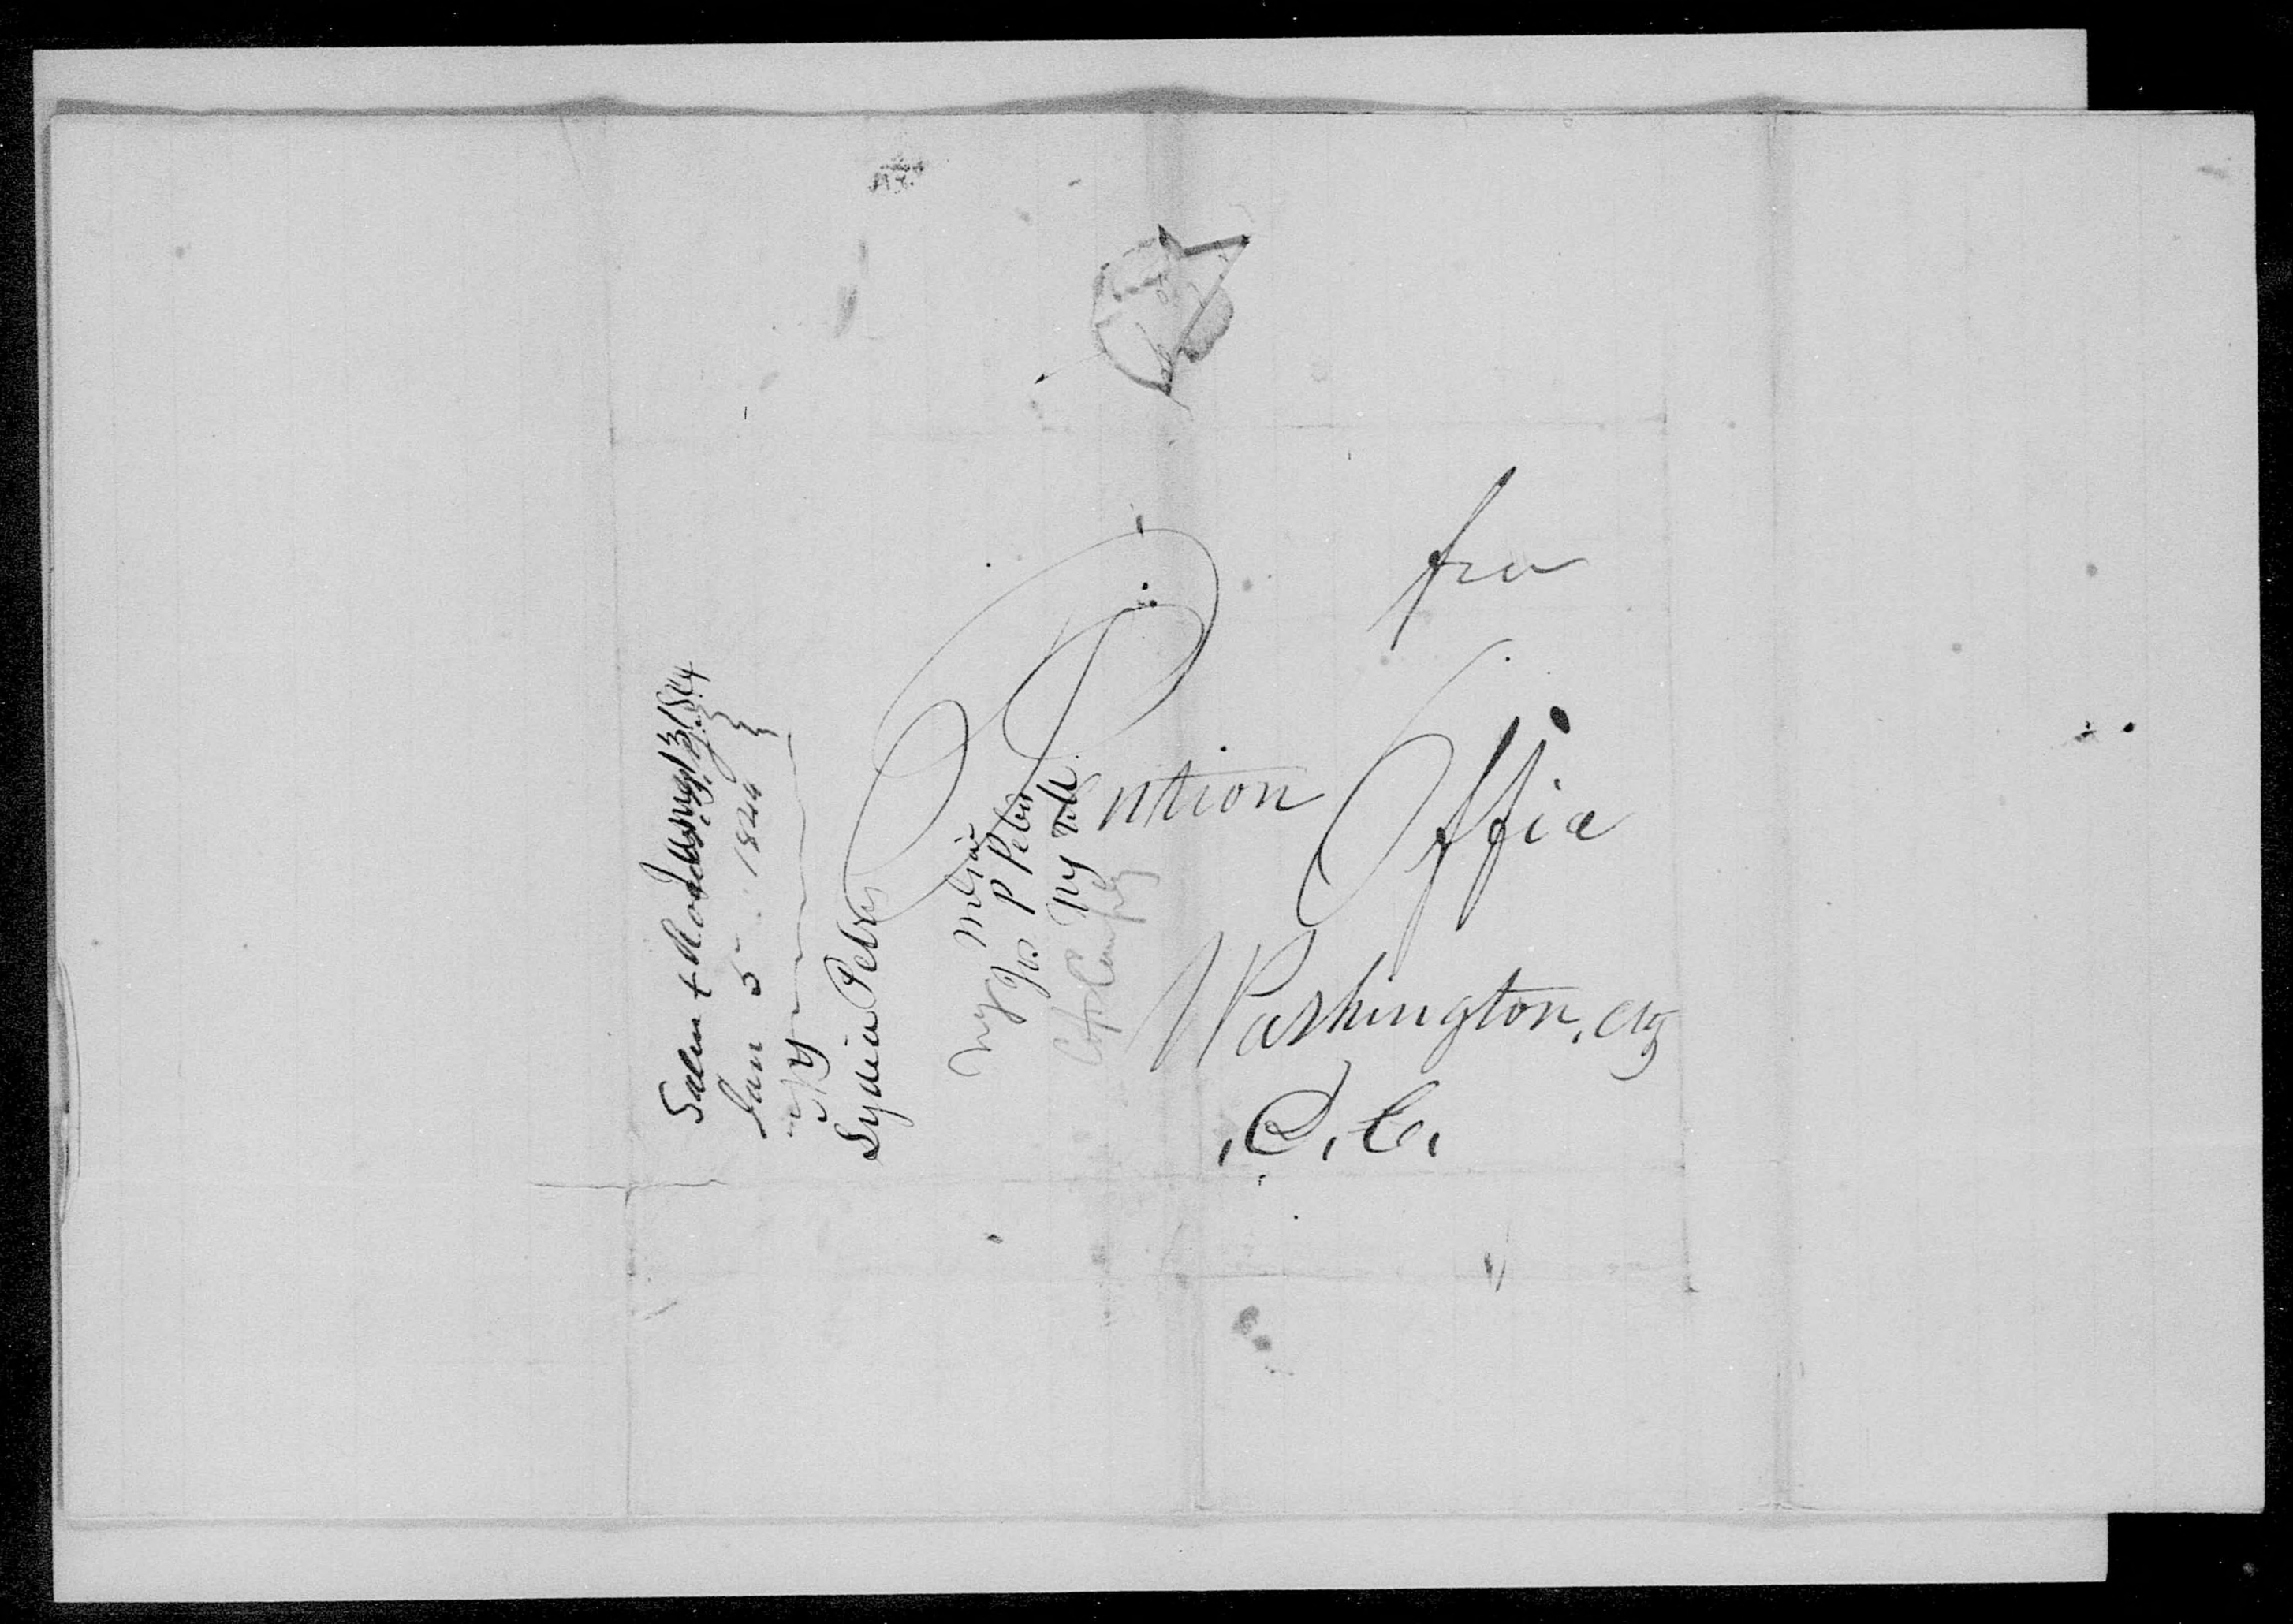NY [unreadable] 
Jos P Peters
Corp Company
P
Free
Pension Office
Washington City D.C.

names: Jos P Peters; Lydia Peters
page: 26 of 73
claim: widow's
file: W. 2338, for Joseph P Peters, Connecticut